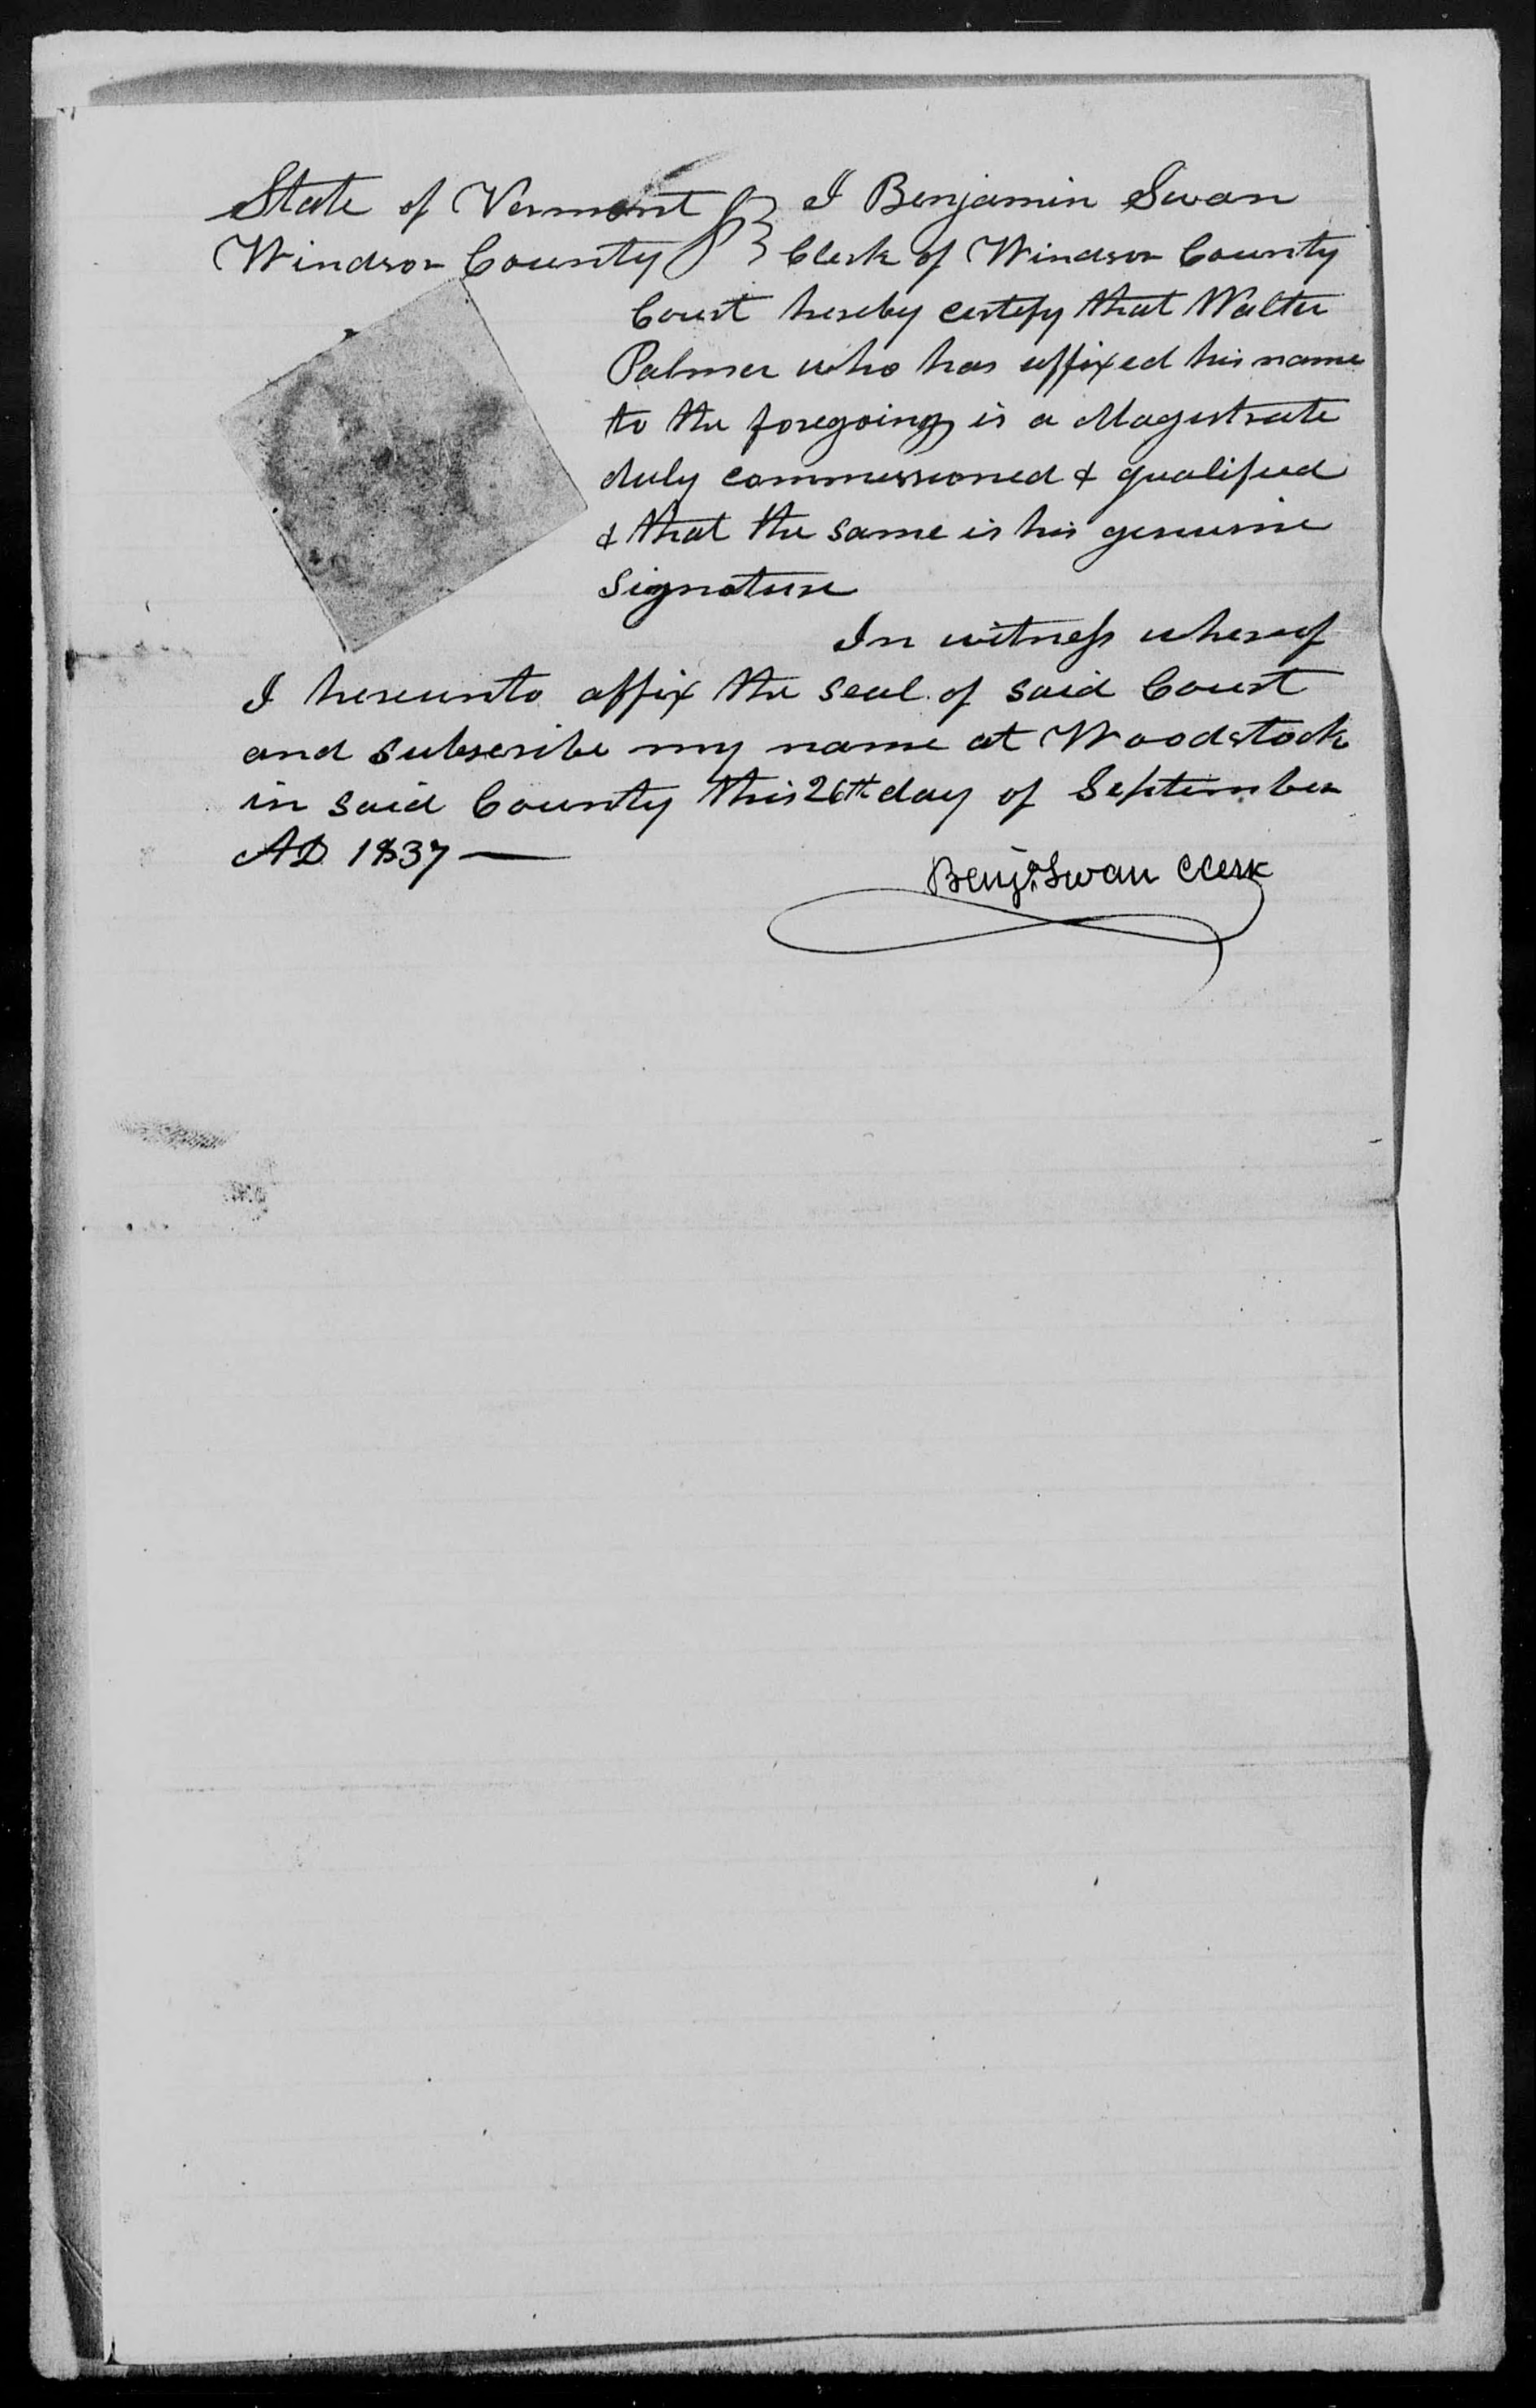State of Vermont 
Windsor County } ss I Benjamin Swan Clerk of Windsor County Court hereby certify that Walter Palmer who has affixed his name to the foregoing is a Magistrate duly commissioned & qualified & that the same is his genuine Signature.   
In witness whereof I hereunto affix the seal of said Court and subscribe my name at Woodstock in said County this 26th day of September AD 1837  
Benj. Swan Clerk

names: Walter Palmer, Benja Swan, Benjamin Swan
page: 4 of 10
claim: rejected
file: R. 345, Daniel Babcock, Conn.